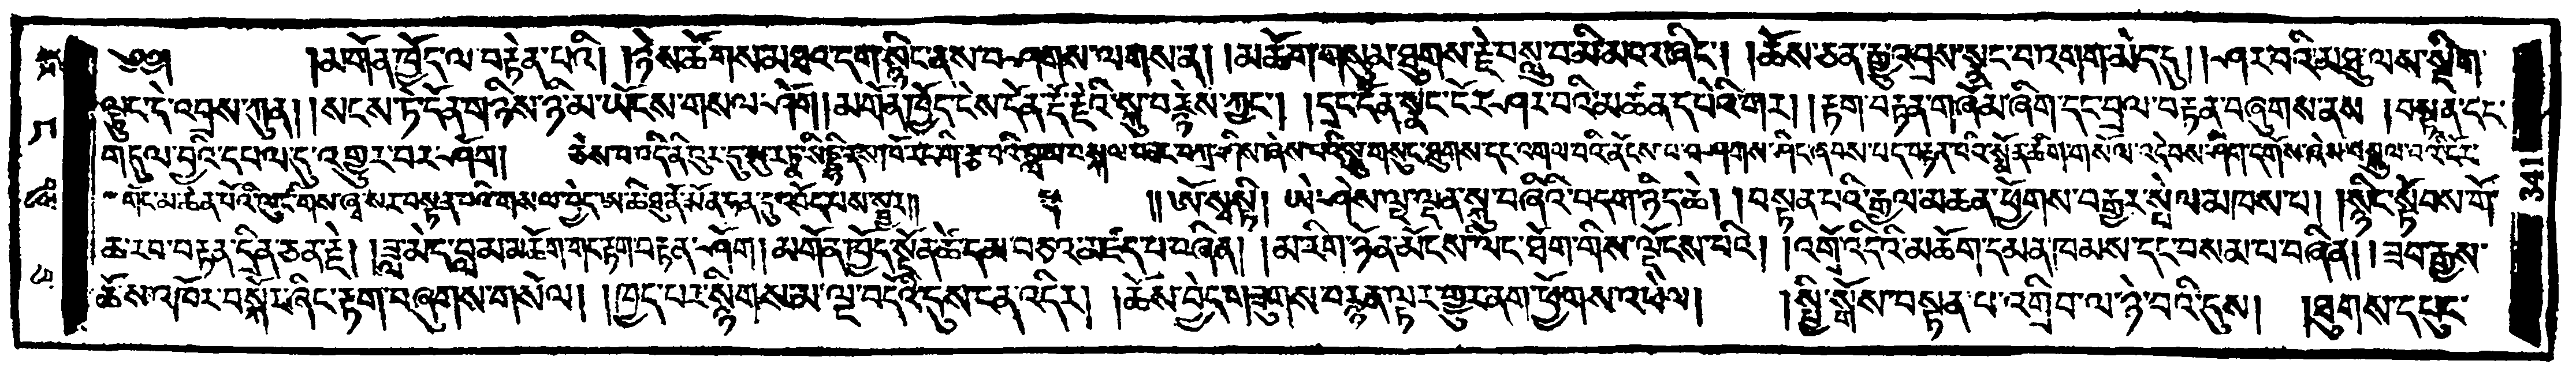༄༅། །མགོན་ཁྱོད་ལ་བརྟེན་པའི། །ཉེས་ཚོགས་མཐའ་དག་སྙིང་ནས་བཤགས་ལགས་ན། །མཆོག་གསུམ་ཐུགས་རྗེ་བསླུ་བ་མི་མངའ་ཞིང་། །ཆོས་ཅན་རྒྱུ་འབྲས་སྣང་བ་འགག་མེད་དུ། །ཤར་བའི་མཐུ་ལས་སྡིག་
ལྟུང་དེ་འབྲས་ཀུན། །སངས་ཏེ་དོན་གཉིས་ཉི་མ་ཡོངས་གསལ་ཤོག །མགོན་ཁྱོད་ངེས་དོན་རྡོ་རྗེའི་སྐུ་བརྙེས་ཀྱང་། །དྲང་དོན་སྣང་ངོར་ཤར་བའི་མཚན་དཔེའི་གར། །རྟག་བརྟན་གཞོམ་ཞིག་དང་བྲལ་བརྟན་བཞུགས་ནས། །བསྟན་དང་
གདུལ་བྱའི་དཔལ་དུ་འགྱུར་བར་ཤོག །ཅེས་པ་འདི་ནི་འུར་དུ་སུ་རཏྣ་སིདྡྷི་ནས་ཁོ་རང་གི་རྩ་བའི་བླ་མ་བསྐལ་བཟང་བཀྲ་ཤིས་ཞེས་པའི་སྐུ་གསུང་ཐུགས་དང་འགལ་བའི་ནོངས་པ་བཤགས་ཤིང་ཞབས་པད་བརྟན་པའི་སྨོན་ཚིག་གསོལ་འདེབས་ཤིག་དགོས་ཞེས་བསྐུལ་བའི་ངོར་
༧གོང་མ་ཆེན་པོའི་ལུང་གིས་ཞྭ་སེར་བསྟན་པའི་གསལ་བྱེད་ཨ་ཆི་ཐུ་ནོ་མོན་ཧན་དུ་འབོད་པས་སྦྱར།། ༈ །།ཨོཾ་སྭསྟི། ཡེ་ཤེས་ལྔ་ལྡན་སྐུ་བཞིའི་བདག་ཉིད་ཆེ། །བསྟན་པའི་རྒྱལ་མཚན་ཕྱོགས་བརྒྱར་སྤེལ་མཁས་པ། །སྙིང་སྟོབས་གོ་
ཆ་རབ་བརྟན་དྲིན་ཅན་རྗེ། །ཟླ་མེད་བླ་མ་མཆོག་གང་རྟག་བརྟན་ཤོག །མགོན་ཁྱོད་སྔོན་ཚེ་དམ་བཅའ་མཛད་པ་བཞིན། །མ་རིག་ཉོན་མོངས་ལིང་ཐོག་གིས་ལྡོངས་པའི། །འགྲོ་འདིའི་མཆོག་དམན་ཁམས་དང་བསམ་པ་བཞིན། །ཟབ་རྒྱས་
ཆོས་འཁོར་བསྐོར་ཞིང་རྟག་བཞུགས་གསོལ། །ཁྱད་པར་སྙིགས་མ་ལྔ་བདོའི་དུས་ངན་འདིར། །ཆོས་བྱེད་གཟུགས་བརྙན་ལྟར་གྱུར་ནག་ཕྱོགས་འཕེལ། །སྤྱི་སྒོས་བསྟན་པ་འགྲིབ་ལ་ཉེ་བའི་དུས། །ཐུགས་དཔུང་